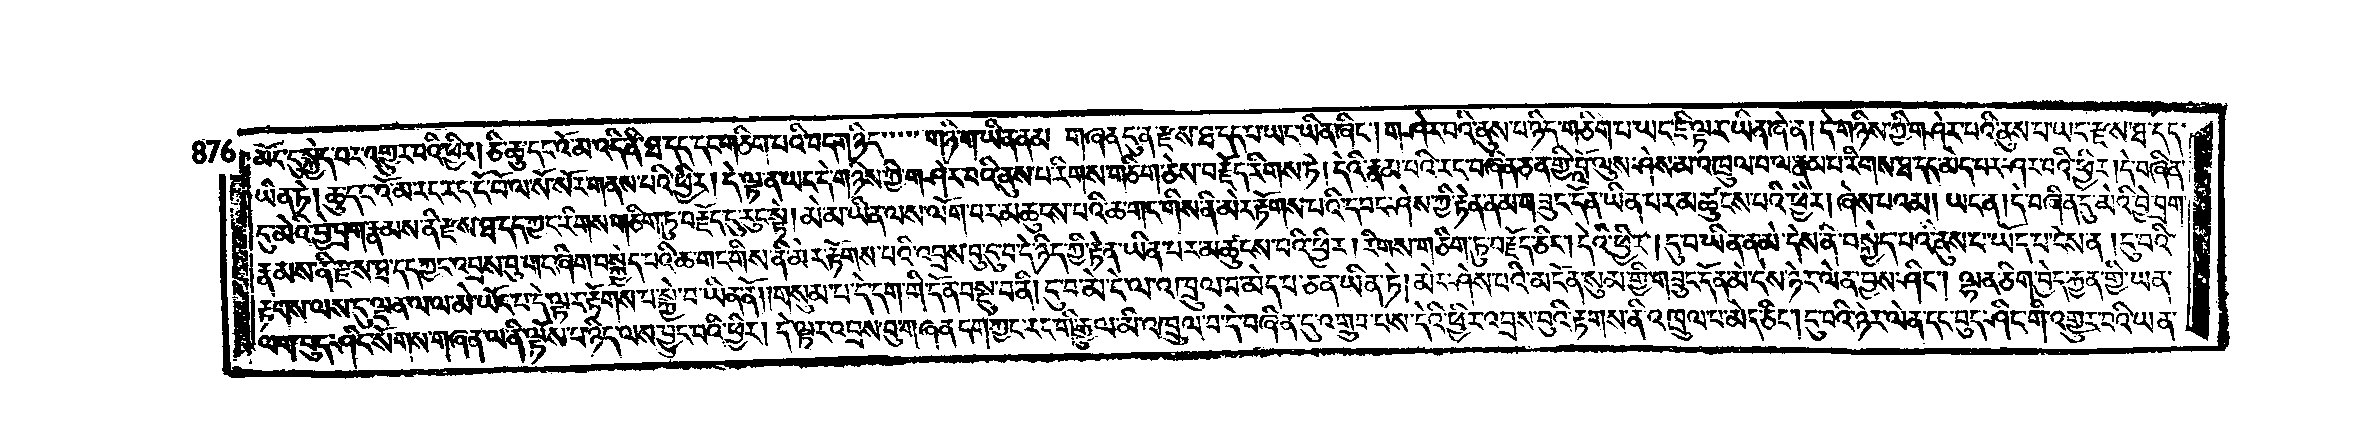མོང་དུ་སྐྱེད་པར་འགྱུར་བའི་ཕྱིར། ཅི་ཆུ་དང་འོ་མ་འདི་ནི་ཐ་དད་དང་གཅིག་པའི་བདག་ཉིད་གཉི་ག་ཡིན་ནམ། གཞན་དུ་ན་རྫས་ཐ་དད་པ་ཡང་ཡིན་ཞིང་། གཤེར་བའི་ནུས་པ་ཉིད་གཅིག་པ་ཡང་ཇི་ལྟར་ཡིན་ཞེ་ན། དེ་གཉིས་ཀྱི་གཤེར་བའི་ནུས་པ་ཡང་རྫས་ཐ་དད་
ཡིན་ཏེ། ཆུ་དང་འོ་མ་རང་རང་ངོ་བོ་ལ་སོ་སོར་གནས་པའི་ཕྱིར། དེ་ལྟ་ན་ཡང་དེ་གཉིས་ཀྱི་གཤེར་བའི་ནུས་པ་རིགས་གཅིག་ཅེས་བརྗོད་རིགས་ཏེ། དེའི་རྣམ་པའི་རང་བཞིན་ཅན་གྱི་བློ་ལུས་ཤེས་མ་འཁྲུལ་བ་ལ་རྣམ་པ་རིགས་ཐ་དད་མེད་པར་ཤར་བའི་ཕྱིར། དེ་བཞིན་
དུ་མེའི་བྱེ་བྲག་རྣམས་ནི་རྫས་ཐ་དད་ཀྱང་རིགས་གཅིག་ཏུ་བརྗོད་དུ་རུང་སྟེ། མེ་མ་ཡིན་ལས་ལོག་པར་མཚུངས་པའི་ཆ་གང་གིས་ནི་མེར་རྟོགས་པའི་དབང་ཤེས་ཀྱི་རྟེན་ནམ་གཟུང་དོན་ཡིན་པར་མཚུངས་པའི་ཕྱིར། ཞེས་པའམ། ཡང་ན། དེ་བཞིན་དུ་མེའི་བྱེ་བྲག་
རྣམས་ནི་རྫས་ཐ་དད་ཀྱང་འབྲས་བུ་གང་ཞིག་བསྐྱེད་པའི་ཆ་གང་གིས་ནི་མེར་རྟོགས་པའི་འབྲས་བུ་དུ་བ་དེ་ཉིད་ཀྱི་རྟེན་ཡིན་པར་མཚུངས་པའི་ཕྱིར། རིགས་གཅིག་ཏུ་བརྗོད་ཅིང་། དེའི་ཕྱིར། དུ་བ་ཡིན་ན་མེ་དེས་ནི་བསྐྱེད་པའི་ནུས་པ་ཡོད་པ་ངེས་ན། དུ་བའི་
རྟགས་ལས་དུ་ལྡན་ལ་ལ་མེ་ཡོད་པ་དེ་ལྟར་རྟོགས་པ་སྐྱེ་བ་ཡིན་ནོ། །གསུམ་པ་དེ་དག་གི་དོན་བསྡུ་བ་ནི། དུ་བ་མེ་དེ་ལ་འཁྲུལ་བ་མེད་པ་ཅན་ཡིན་ཏེ། མེར་ཤེས་པའི་མངོན་སུམ་གྱི་གཟུང་དོན་མེ་དེས་ཉེར་ལེན་བྱས་ཤིང་། ལྷན་ཅིག་བྱེད་རྐྱེན་གྱི་ཡན་
ལག་བུད་ཤིང་སོགས་གཞན་ལ་ནི་ལྟོས་པ་ཉིད་ལས་བྱུང་བའི་ཕྱིར། དེ་ལྟར་འབྲས་བུ་གཞན་དག་ཀྱང་རང་གི་རྒྱུ་ལ་མི་འཁྲུལ་བ་དེ་བཞིན་དུ་འགྲུབ་པས་དེའི་ཕྱིར་འབྲས་བུའི་རྟགས་ནི་འཁྲུལ་བ་མེད་ཅིང་། དུ་བའི་ཉེར་ལེན་དང་བུད་ཤིང་གི་འགྱུར་བའི་ཡན་